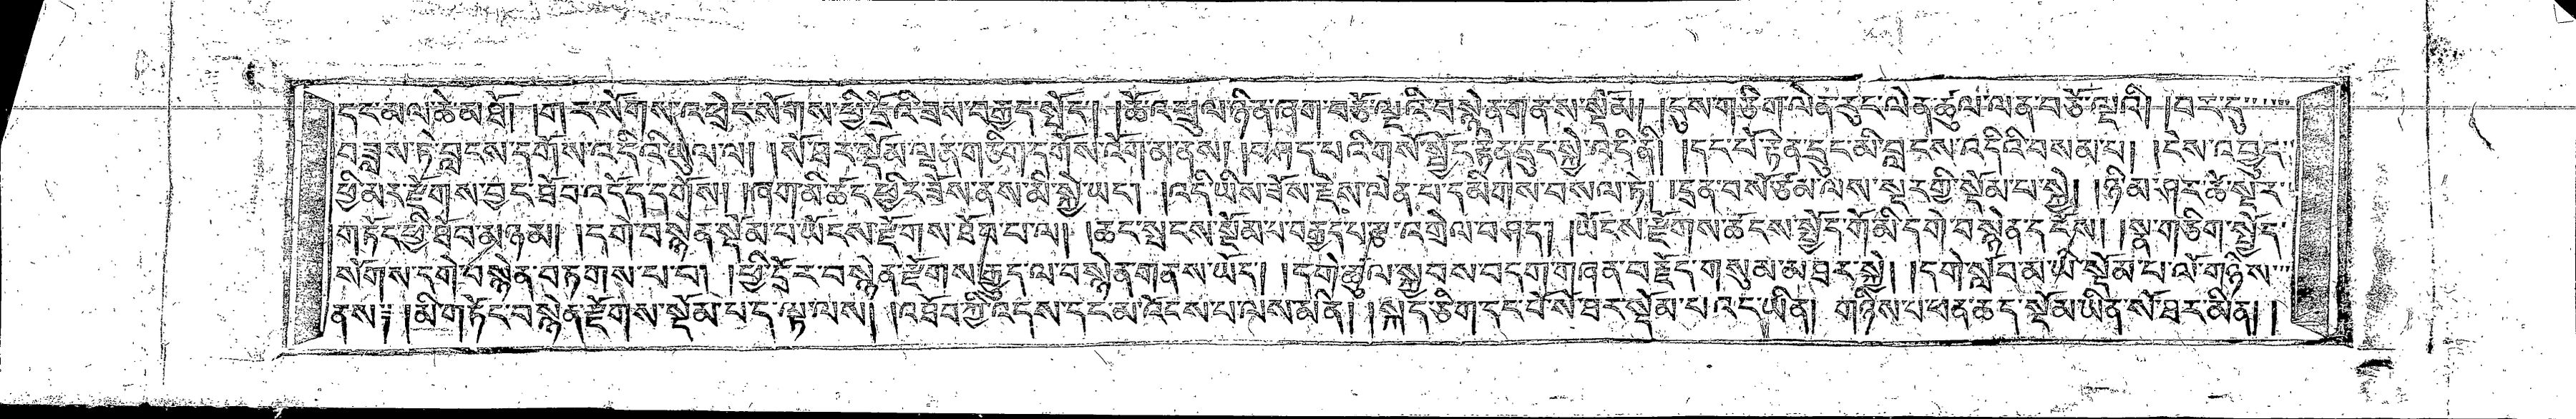དང་མལ་ཆེ་མཐོ། །གར་སོགས་འཕྲེང་སོགས་ཕྱི་དྲོའི་ཟས་བརྒྱད་སྤོང་། །ཆོ་འཕྲུལ་ཉིན་ཞག་བཅོ་ལྔའི་བསྙེན་གནས་སྡོམ། །དུས་གཅིག་ལེན་རུང་ལེན་ཚུལ་ལན་བཅོ་ལྔའི། །བར་དུ་
བཟླས་ཏེ་བླངས་དགོས་འདིའི་ཡུལ་ལ། །སོ་ཐར་སྡོམ་ལྡན་གཅིག་དགོས་འོག་མ་ནས། །བཤད་པའི་གསོ་སྦྱོང་རྟེན་དྲུང་སྐྱེ་འདི་ནི། །དང་པོ་རྟེན་དྲུང་མི་བླངས་འདིའི་བསམ་པ། །ངེས་འབྱུང་
ཕྱིར་མར་རྫོགས་བྱང་ཐོབ་འདོད་དགོས། །ཞག་མི་ཚང་ཕྱིར་ཟོས་ནས་མི་སྐྱེ་ཡང་། །འདི་ཡིས་ཟོས་རྗེས་ལེན་པ་དམིགས་བསལ་ཏེ། །དྲན་བསོ་ཙམ་ལས་སྔར་གྱི་སྡོམ་པ་སྐྱེ། །ཉི་མ་ཤར་ཚེ་སྔར་
གཏོང་ཕྱི་ཐོབ་མཉམ། །དགེ་བསྙེན་སྡོམ་པ་ཡོངས་རྫོགས་ཐོབ་པ་ལ། །ཆང་སྤངས་སྡོམ་པ་བརྒྱད་པ་རྩ་འགྲེལ་བཤད། །ཡོངས་རྫོགས་ཚངས་སྤྱོད་གོ་མི་དགེ་བསྙེན་དངོས། །སྣ་གཅིག་སྤྱོད་
སོགས་དགེ་བསྙེན་བཏགས་པ་བ། །ཕྱི་དྲོར་བསྙེན་རྫོགས་རྒྱུད་ལ་བསྙེན་གནས་ཡོད། །དགེ་ཚུལ་སྐྱབས་བདག་གཞན་བརྗོད་གསུམ་མཐར་སྐྱེ། །དགེ་སློབ་མ་ཡི་སྡོམ་པ་ལོ་གཉིས་
ནས༑ །མི་གཏོང་བསྙེན་རྫོགས་སྡོམ་པ་ད་ལྟ་ལས། །འཐོབ་ཀྱི་འདས་དང་མ་འོངས་པ་ལས་མིན། །སྐད་ཅིག་དང་པོ་སོ་ཐར་སྡོམ་པའང་ཡིན། གཉིས་པ་ཕན་ཆད་སྡོམ་ཡིན་སོ་ཐར་མིན། །